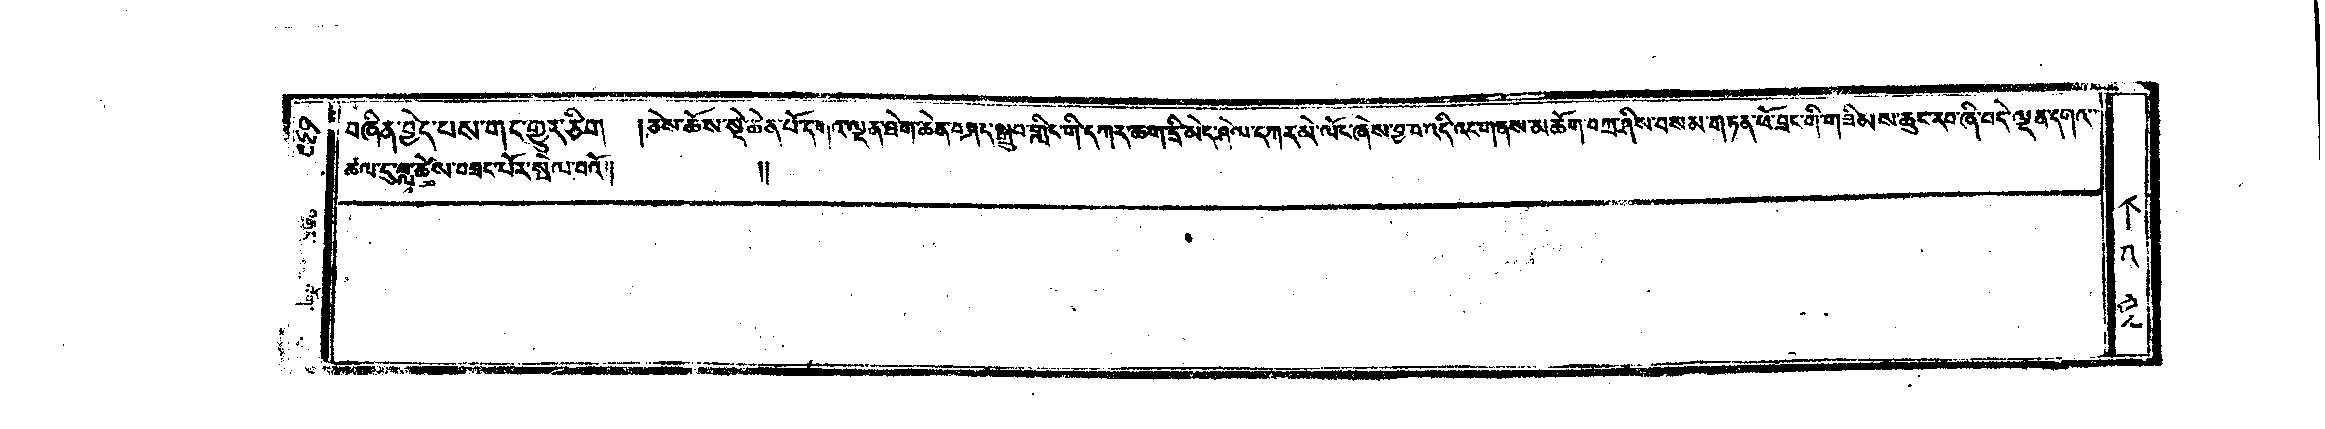བཞིན་བྱེད་པས་གང་གྱུར་ཅིག །ཅེས་ཆོས་སྡེ་ཆེན་པོ་དགའ་ལྡན་ཐེག་ཆེན་བཤད་སྒྲུབ་གླིང་གི་དཀར་ཆག་དྲི་མེད་ཤེལ་དཀར་མེ་ལོང་ཞེས་བྱ་བ་འདི་འང་གནས་མཆོག་བཀྲ་ཤིས་བསམ་གཏན་ཕོ་བྲང་གི་གཟིམས་ཆུང་རབ་ཞི་བདེ་ལྡན་དགའ་
ཚལ་དུ་ཟླ ༩་ཚེས ༡༠་བཟང་པོར་སྤེལ་བའོ།། །།